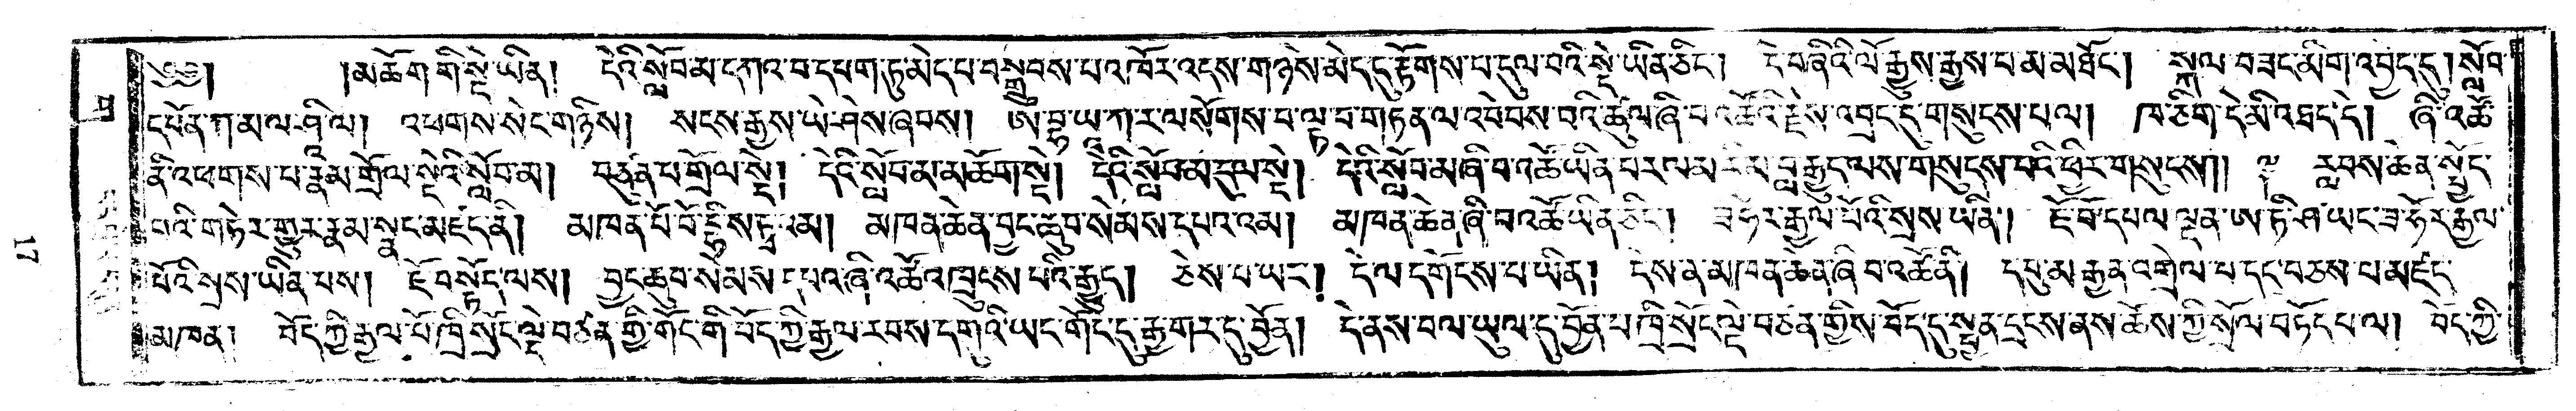༄༅། །མཆོག་གི་སྡེ་ཡིན། དེའི་སློབ་མ་དཀའ་བ་དཔག་ཏུ་མེད་པ་བསྒྲུབས་པ་འཁོར་འདས་གཉིས་མེད་དུ་རྟོགས་པ་དུལ་བའི་སྡེ་ཡིན་ཅིང་། དེ་བཞིའི་ལོ་རྒྱུས་རྒྱས་པ་མ་མཐོང་། སྐལ་བཟང་མིག་འབྱེད་དུ། སློབ་
དཔོན་ཀ་མ་ལ་ཤཱི་ལ། འཕགས་སེང་གཉིས། སངས་རྒྱས་ཡེ་ཤེས་ཞབས། ཨ་བྷ་ཡཱ་ཀ་ར་ལ་སོགས་པ་ལྟ་བ་གཏན་ལ་འབེབས་པའི་ཚུལ་ཞི་བ་འཚོའི་རྗེས་འབྲང་དུ་གསུངས་པ་ལ། ཁ་ཅིག་དེ་མི་འཐད་དེ། ཞི་འཚོ་
ནི་འཕགས་པ་རྣམ་གྲོལ་སྡེའི་སློབ་མ། བཙུན་པ་གྲོལ་སྡེ། དེའི་སློབ་མ་མཆོག་སྡེ། དེའི་སློབ་མ་དུལ་སྡེ། དེའི་སློབ་མ་ཞི་བ་འཚོ་ཡིན་པར་ལམ་རིམ་བླ་རྒྱུད་ལས་གསུངས་པའི་ཕྱིར་གསུངས།། ༈ རླབས་ཆེན་སྤྱོད་
པའི་གཏེར་གྱུར་རྣམ་སྣང་མཛད་ནི། མཁན་པོ་བོ་དྷི་སཏྭའམ། མཁན་ཆེན་བྱང་ཆུབ་སེམས་དཔའ་འམ། མཁན་ཆེན་ཞི་བ་འཚོ་ཡིན་ཅིང་། ཟ་ཧོར་རྒྱལ་པོའི་སྲས་ཡིན། ཇོ་བོ་དཔལ་ལྡན་ཨ་ཏི་ཤ་ཡང་ཟ་ཧོར་རྒྱལ་
པོའི་སྲས་ཡིན་པས། ཇོ་བསྟོད་ལས། བྱང་ཆུབ་སེམས་དཔའ་ཞི་འཚོ་འཁྲུངས་པའི་རྒྱུད། ཅེས་པ་ཡང་། དེ་ལ་དགོངས་པ་ཡིན། དེས་ན་མཁན་ཆེན་ཞིབ་འཚོ་ནི། དབུ་མ་རྒྱན་འགྲེལ་པ་དང་བཅས་པ་མཛད་
མཁན། བོད་ཀྱི་རྒྱལ་པོ་ཁྲི་སྲོང་ལྡེ་བཙན་གྱི་གོང་གི་བོད་ཀྱི་རྒྱལ་རབས་དགུའི་ཡང་གོང་དུ་རྒྱ་གར་དུ་བྱོན། དེ་ནས་བལ་ཡུལ་དུ་བྱོན་པ་ཁྲི་སྲོང་ལྡེ་བཙན་གྱིས་བོད་དུ་སྦྱན་དྲངས་ནས་ཆོས་ཀྱི་སྲོལ་བཏོད་པ་ལ། བོད་ཀྱི་